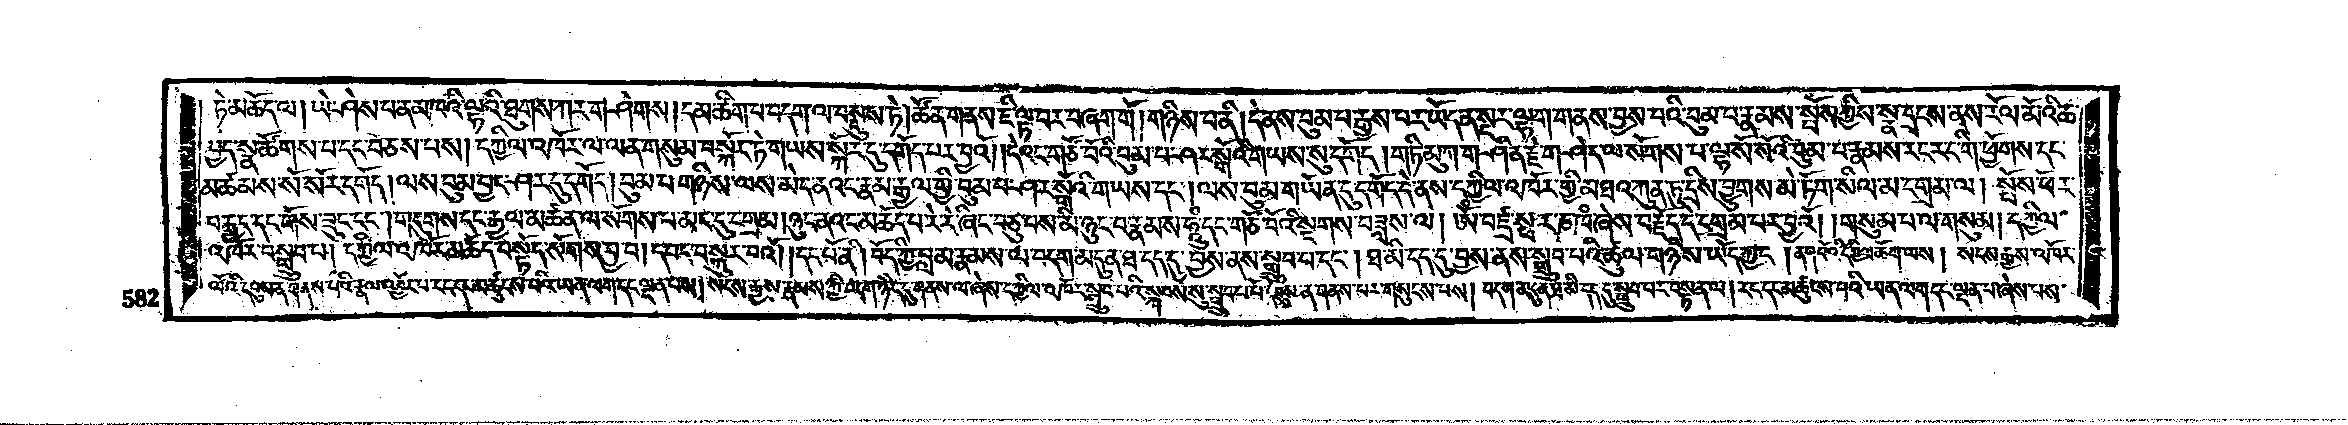ཏེ་མཆོད་ལ། ཡེ་ཤེས་པ་ནམ་མཁའི་ལྷའི་ཐུགས་ཀར་གཤེགས། དམ་ཚིག་པ་བདག་ལ་བསྡུས་ཏེ། ཚོན་གནས་ཇི་ལྟ་བར་བཞག་གོ །གཉིས་པ་ནི། དེ་ནས་བུམ་པ་རྒྱས་པར་ཡོད་ན་སྔར་ལྷག་གནས་བྱས་པའི་བུམ་པ་རྣམས་སྤོས་ཀྱིས་སྣ་དྲངས་ནས་རོལ་མོའི་ཆ་བྱད་སྣ་ཚོགས་པ་དང་བཅས་པས། དཀྱིལ་འཁོར་ལ་ལན་གསུམ་བསྐོར་ཏེ་གཡས་སྐོར་དུ་དགོད་པར་བྱའོ། །དེའང་གཙོ་བོའི་བུམ་པ་ཤར་སྒོའི་གཡས་སུ་དགོད། གཏི་མུག་གཤིན་རྗེ་གཤེད་ལ་སོགས་པ་ལྷ་སོ་སོའི་བུམ་པ་རྣམས་རང་རང་གི་ཕྱོགས་དང་
མཚམས་སོ་སོར་དགོད། ལས་བུམ་བྱང་ཤར་དུ་དགོད། བུམ་པ་གཉིས་ལས་མེད་ནའང་རྣམ་རྒྱལ་གྱི་བུམ་པ་ཤར་སྒོའི་གཡས་དང་། ལས་བུམ་གཡོན་དུ་དགོད་དེ་ནས་དཀྱིལ་འཁོར་གྱི་མཐའ་ཀུན་ཏུ་དྲིས་བྱུགས་མེ་ཏོག་སིལ་མ་དགྲམ་ལ། སྤོས་ཕོར་
བརྒྱད་དང་གོས་ཟུང་དང་། གདུགས་དང་རྒྱལ་མཚན་ལ་སོགས་པ་མང་དུ་དགྲམ། ཉུང་ནའང་མཆོད་པ་རེ་རེ་ཞིང་བཅུ་བས་མི་ཉུང་བ་རྣམས་ཧཱུཾ་དང་གཙོ་བོའི་སྔགས་བཟླས་ལ། ཨོཾ་བཛྲ་སྤ་ར་ཎ་ཁཾ་ཞེས་བརྗོད་དེ་དགྲམ་པར་བྱའོ། །གསུམ་པ་ལ་གསུམ། དཀྱིལ་
འཁོར་བསྒྲུབ་པ། དཀྱིལ་འཁོར་མཆོད་བསྟོད་སོགས་བྱ་བ། དབང་བསྐུར་བའོ། །དང་པོ་ནི། བོད་ཀྱི་བླ་མ་རྣམས་ལ་བདག་མདུན་ཐ་དད་དུ་བྱས་ནས་སྒྲུབ་པ་དང་། ཐ་མི་དད་དུ་བྱས་ནས་སྒྲུབ་པའི་ཚུལ་གཉིས་ཡོད་ཀྱང་། ནག་པོའི་དཀྱིལ་ཆོག་ལས། སངས་རྒྱས་འཁོར་
ལོའི་དབུས་ན་གནས་པའི་རྣལ་འབྱོར་པ་རང་དང་མཚུངས་པའི་ཡན་ལག་དང་ལྡན་པས། སངས་རྒྱས་རྣམས་ཀྱི་བདག་ཉིད་དུ་གནས་ལ་ཞེས་དཀྱིལ་འཁོར་སྒྲུབ་པའི་སྐབས་སུ་སྒྲུབ་པ་པོ་དབུས་ན་གནས་པར་གསུངས་པས། བདག་མདུན་ཐ་མི་དད་དུ་སྒྲུབ་པར་བསྟན་ལ། རང་དང་མཚུངས་པའི་ཡན་ལག་དང་ལྡན་པ་ཞེས་པས་